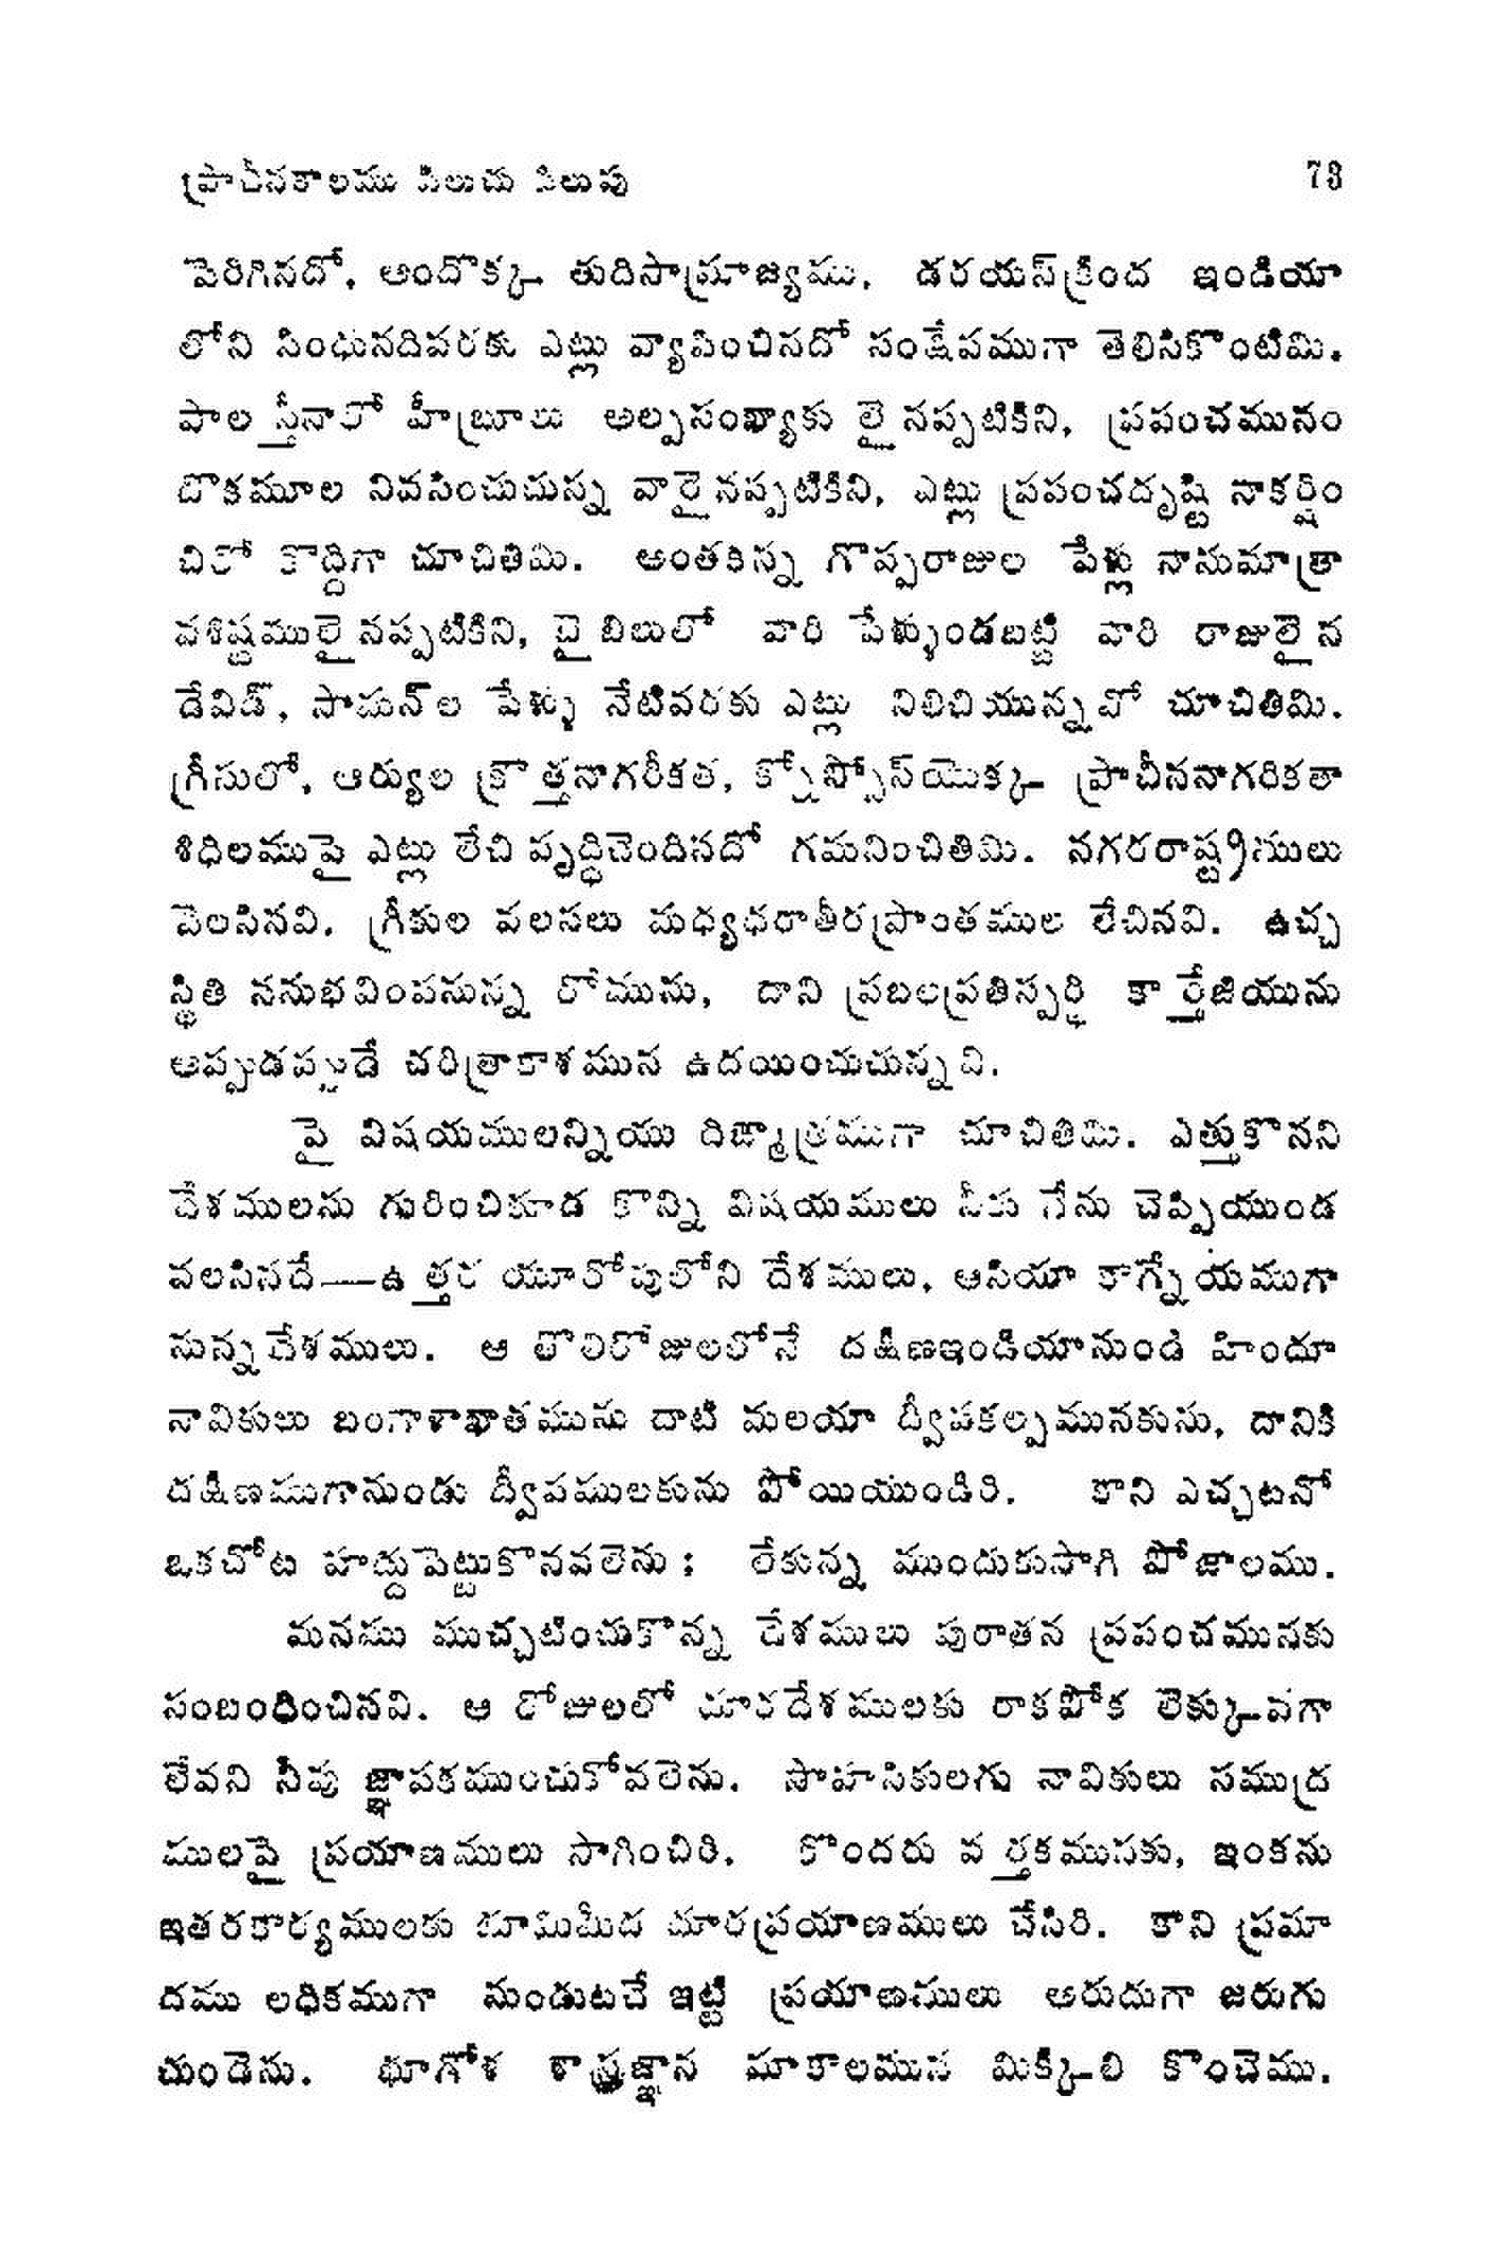పెరిగినదో, అందొక్క తుదిసామ్రాజ్యము, డరయస్‌క్రింద ఇండియాలోని సింధునదివరకు ఎట్లు వ్యాపించినదో సంక్షేపముగా తెలిసికొంటిమి. పాలస్తీనాలో హీబ్రూలు అల్పసంఖ్యాకు లైనప్పటికిని, ప్రపంచమునం దొకమూల నివసించుచున్న వారైనప్పటికిని, ఎట్లు ప్రపంచదృష్టి నాకర్షించిరో కొద్దిగా చూచితిమి. అంతకన్న గొప్పరాజుల పేళ్లు నామమాత్రా వశిష్టములైనప్పటికిని, బై బిలులో వారి పేళ్ళుండబట్టి వారి రాజులైన డేవిడ్, సామన్‌ల పేళ్ళు నేటివరకు ఎట్లు నిలిచియున్నవో చూచితిమి. గ్రీసులో, ఆర్యుల క్రొత్తనాగరీకత, క్నోస్సోస్‌యొక్క ప్రాచీననాగరికతా శిధిలముపై ఎట్లు లేచి వృద్ధిచెందినదో గమనించితిమి. నగరరాష్ట్రములు వెలసినవి. గ్రీకుల వలసలు మధ్యధరాతీరప్రాంతముల లేచినవి. ఉచ్చస్థితి ననుభవింపనున్న రోమును, దాని ప్రబలప్రతిస్పర్థి కార్తేజియును అప్పుడప్పుడే చరిత్రాకాశమున ఉదయించుచున్నవి.

పై విషయములన్నియు దీజ్మాత్రముగా చూచితిమి. ఎత్తుకొనని దేశములను గురించి కూడ కొన్ని విషయములు నీకు నేను చెప్పియుండ వలసినదే - ఉత్తర యూరోపులోని దేశములు, ఆసియా కాగ్నేయముగా నున్నదేశములు. ఆ తొలిరోజులలోనే దక్షిణఇండియానుండి హిందూ నావికులు బంగాళాఖాతమును దాటి మలయా ద్వీపకల్పమునకును, దానికి దక్షిణముగానుండు ద్వీపములకును పోయియుండిరి. కాని ఎచ్చటనో ఒకచోట హద్దు పెట్టుకొనవలెను ; లేకున్న ముందుకుసాగి పోజాలము.

మనము ముచ్చటించుకొన్న దేశములు పురాతన ప్రపంచమునకు సంబంధించినవి. ఆ రోజులలో దూరదేశములకు రాకపోక లెక్కువగా లేవని నీవు జ్ఞాపకముంచుకోవలెను. సాహసికులగు నావికులు సముద్రములపై ప్రయాణములు సాగించిరి. కొందరు వర్తకమునకు, ఇంకను ఇతరకార్యములకు భూమిమీద దూరప్రయాణములు చేసిరి. కాని ప్రమాదము లధికముగా నుండుటచే ఇట్టి ప్రయాణములు అరుదుగా జరుగు చుండెను. భూగోళ శాస్త్రజ్ఞాన మాకాలమున మిక్కిలి కొంచెము.